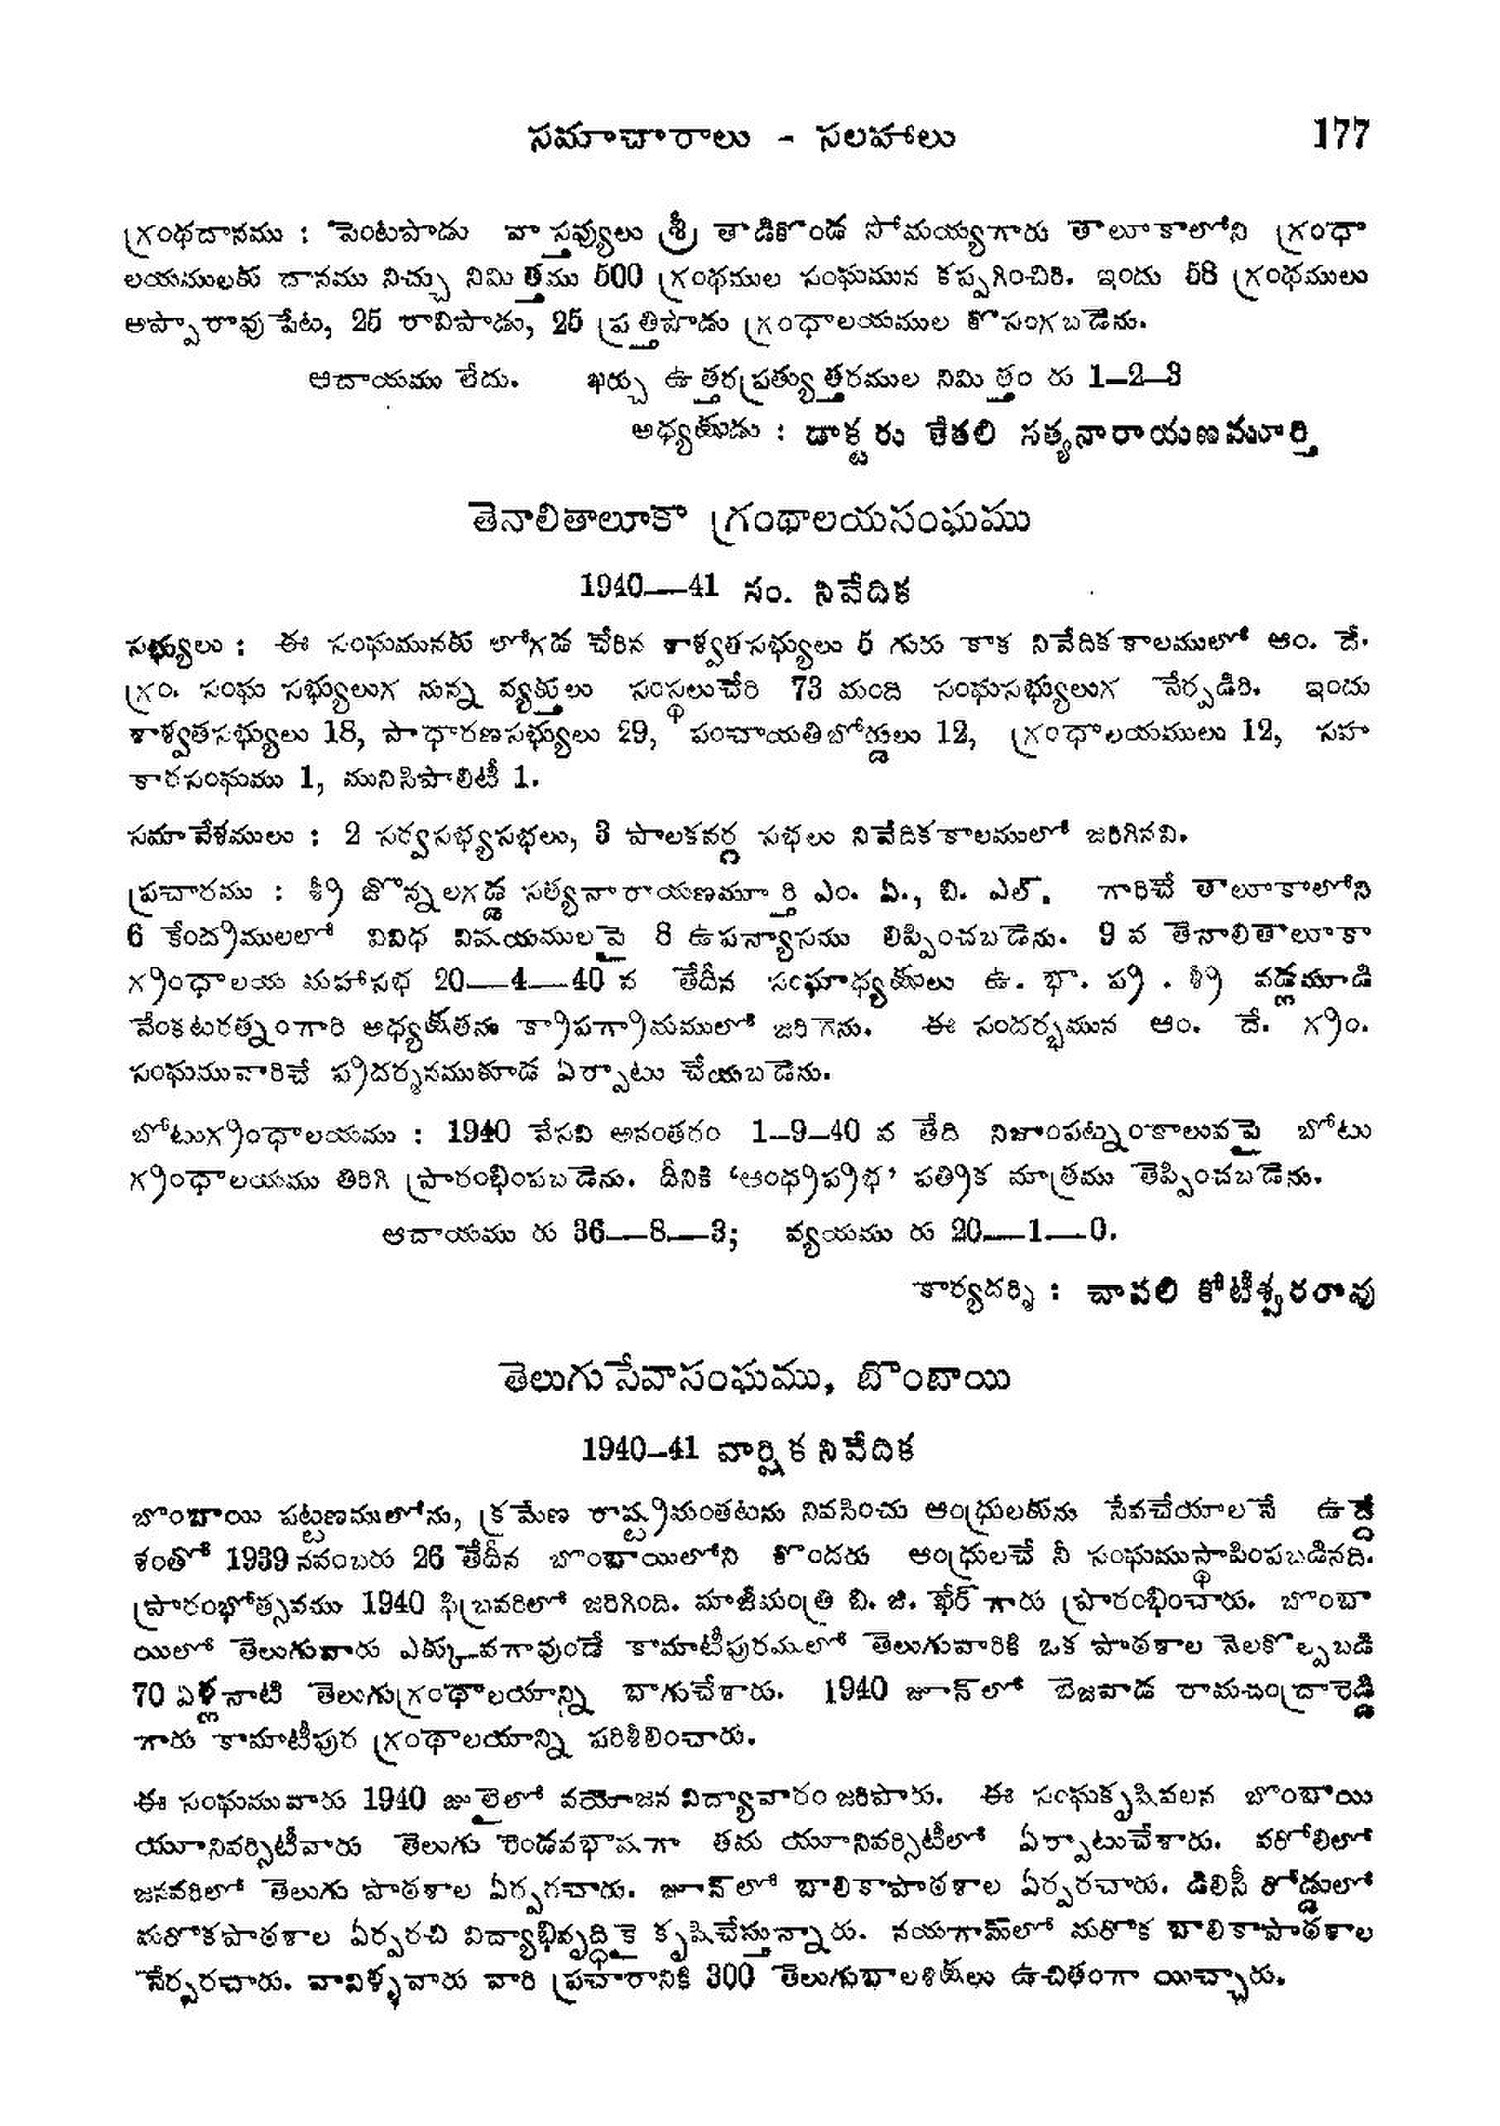గ్రంథదానము : పెంటపాడు వాస్తవ్యులు శ్రీ తాడికొండ సోమయ్యగారు తాలూకాలోని గ్రంథాలయములకు దానము నిచ్చు 
నిమిత్తము 500 గ్రంథముల సంఘమున కప్పగించిరి. ఇందు 58 గ్రంధములు అప్పారావుపేట, 25 రావిపాడు, 25 ప్రత్తిపాడు గ్రంధాలయముల కోసంగబడెను.
ఆదాయము లేదు::.
ఖర్చు, ఉత్తర ప్రత్యుత్తరముల నిమిత్తం రు. 1–2–3

సభ్యులు : ఈ సంఘమునకు లోగడ చేరిన శాశ్వత సభ్యులు 5 గురు కాక నివేదిక కాలములో ఆం.దే.గ్రం. సంఘ సభ్యులుగ 
నున్న వ్యక్తులు సంస్థలు చేరి 73 మంది సంఘసభ్యులుగ నేర్పడిరి. ఇందు శాశ్వత సభ్యులు 18, సాధారణ సభ్యులు 29, 
పంచాయతి బోర్డ్స్ 12, గ్రంధాలయములు 12, సహకారసంఘము 1, మునిసిపాలిటీ 1.
సమావేశములు : 2 సర్వసభ్య సభలు, 3 పాలకవర్గ సభలు నివేదిక కాలములో జరిగినవి 

ప్రచారము : శ్రీ జొన్నలగడ్డ సత్యనారాయణమూర్తి ఎం.ఏ., బి.ఎల్. గారిచే తాలూకాలోని 6 కేంద్రములలో వివిధ విషయములపై 
8 ఉపన్యాసము లిప్పించబడెను. 9వ తెనాలి తాలూకా గ్రంధాలయ మహాసభ 20-1-40 వ తేదీన సంఘాధ్యక్షులు ఉ.భా.ప్ర. 
శ్రీ వడ్లమూడి వేంకటరత్నంగారి అధ్యక్షతను క్రాపగ్రామములో జరిగాను. ఈ సందర్భమున ఆం.దే.గ్ర౦.సంఘము వారిచే 
ప్రదర్శనముకూడ ఏర్పాటు చేయబడెను.

బోటుగ్రంధాలయము : 1940 నేసవి అనంతరం 1-9-40 వ తేది నిజాంపట్నంకాలువపై బోటు గ్రంధాలయము తిరిగి 
ప్రారంభింపబడెను. దీనికి 'ఆంధ్రప్రభ' పత్రిక మాత్రము తెప్పించబడేను.
ఆదాయము రు 36–8-3; ::వ్యయము రు. 20-1-0.

బొంబాయి పట్టణములోను, క్రమేణ రాష్ట్రమంతటను నివసించు ఆంధ్రులకును సేవచేయాలనే ఉద్దేశంతో 1939 నవంబరు 
26 తేదీన బొంబాయిలోని కొందరు ఆంధ్రులచే నీ సంఘముసాపింపబడినది. ప్రారంభోత్సవము 1940 ఫిబ్రవరిలో జరిగింది. 
మాజీ మంత్రి బి.జి.ఖేర్ గారు ప్రారంభించారు. బొంబాయిలో తెలుగువారు ఎక్కువగావుండే కామాటిపురములో తెలుగువారికి 
ఒక పాఠశాల నెలకొల్పబడి 70 ఏళ్ల నాటి తెలుగు గ్రంథాలయాన్ని బాగుచేశారు. 1940 జూ౯ లో బెజవాడ రామచంద్రారెడ్డి
గారు కామాటిపుర గ్రంథాలయాన్ని పరిశీలించారు.

ఈ సంఘము వారు 1940 జులైలో వయోజన విద్యావారం జరిపారు. ఈ సంఘకృషివలన బొంబాయి యూనివర్సిటీవారు 
తెలుగు రెండవభాషగా తమ యూనివర్సిటీలో ఏర్పాటుచేశారు. పరోలిలో జనవరిలో తెలుగు పాఠశాల ఏర్పరచారు. జూన్ 
లో బాలికా పాఠశాల ఏర్పరచారు. డిలిసీ రోడ్డులో మరొకపాఠశాల ఏర్పరచి విద్యాభివృద్ధికై కృషిచేస్తున్నారు. నాయగామ్ 
లో మరొక బాలికా పాఠశాల నేర్పరచారు. వావిళ్ళవారు వారి ప్రచారానికి 300 తెలుగుబాలశిక్షులు ఉచితంగా యిచ్చారు.